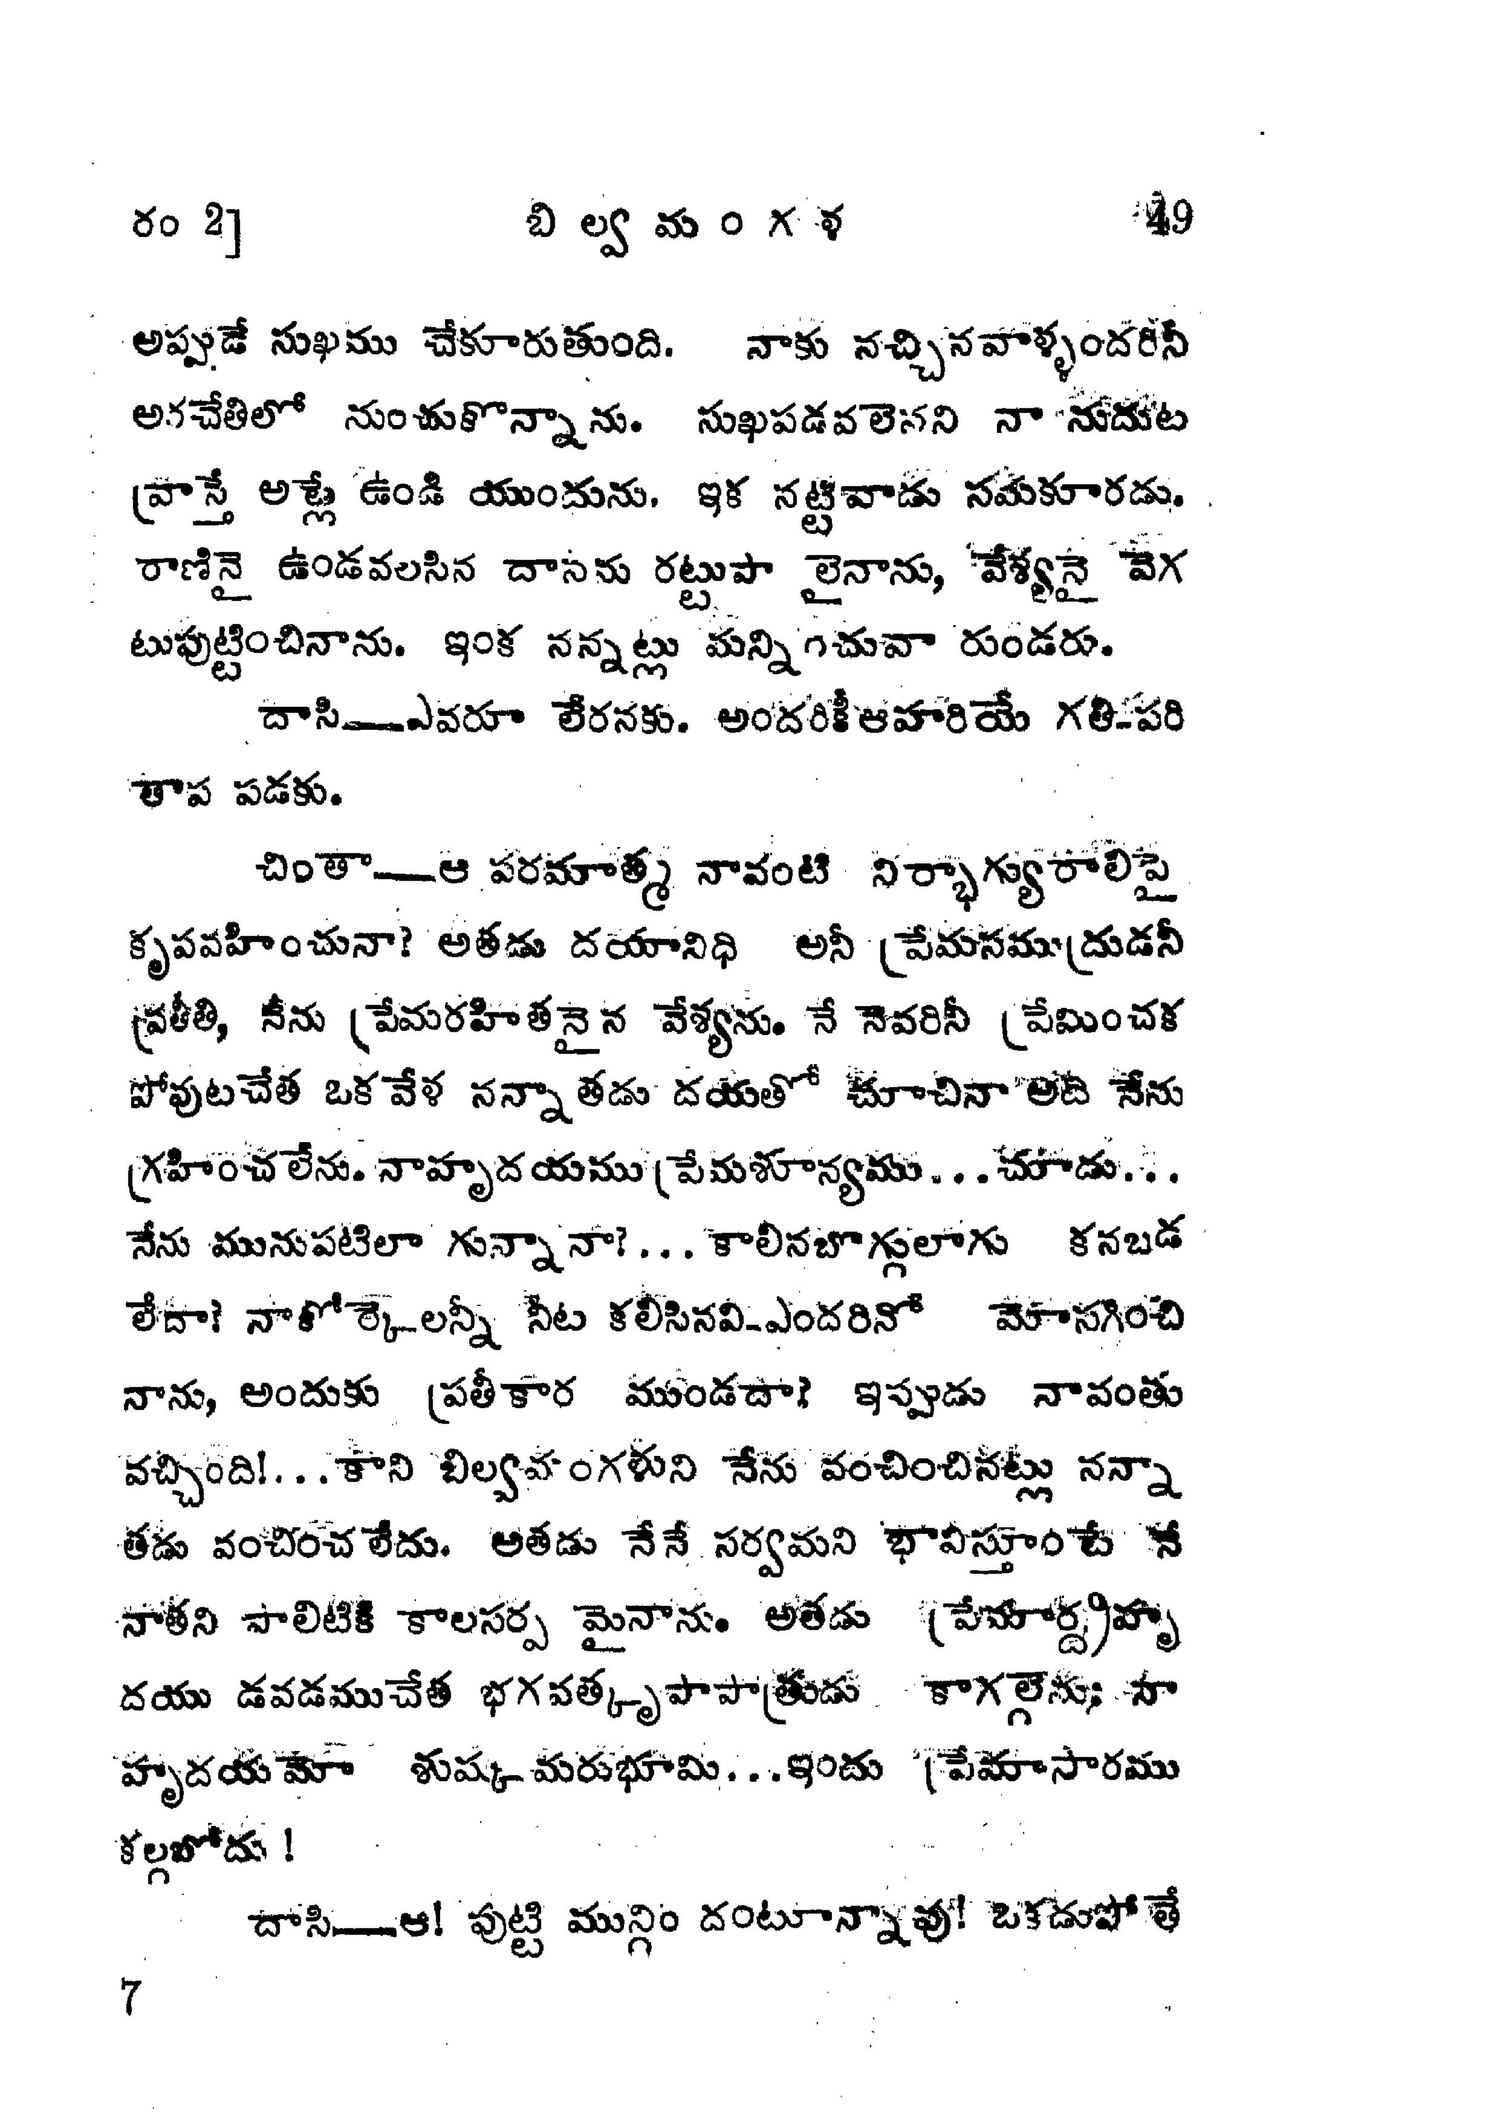అప్పుడే సుఖము చేకూరుతుంది. నాకు నచ్చినవాళ్ళందరినీ అరచేతిలో నుంచుకొన్నాను. సుఖపడవలెనని నా నుదుట వ్రాస్తే అట్లే ఉండి యుందును. ఇక నట్టివాడు సమకూరడు. రాణినై ఉండవలసిన దానను రట్టుపా లైనాను, వేశ్యనై వెగటుపుట్టించినాను. ఇంక నన్నట్లు మన్నించువా రుండరు.

దాసి - ఎవరూ లేరనకు. అందరికీ ఆహరియే గతి-పరితాప పడకు.

చింతా - ఆ పరమాత్మ నావంటి నిర్భాగ్యురాలిపై కృపవహించునా? అతడు దయానిధి అనీ ప్రేమసముద్రుడనీ ప్రతీతి, నేను ప్రేమరహితనైన వేశ్యను. నే నెవరినీ ప్రేమించక పోవుటచేత ఒకవేళ నన్నాతడు దయతో చూచినా అది నేను గ్రహించలేను. నాహృదయము ప్రేమశూన్యము...చూడు... నేను మునుపటిలా గున్నానా?... కాలినబొగ్గులాగు కనబడ లేదా? నాకోర్కెలన్నీ నీట కలిసినవి-ఎందరినో మోసగించినాను, అందుకు ప్రతీకార ముండదా? ఇప్పుడు నావంతు వచ్చింది!.. కాని బిల్వమంగళుని నేను వంచించినట్లు నన్నాతడు వంచించలేదు. అతడు నేనే సర్వమని భావిస్తూంటే నే నాతని పాలిటికి కాలసర్ప మైనాను. అతడు ప్రేమార్ద్రహృదయు డవడముచేత భగవత్కృపాపాత్రుడు కాగల్గెను; నా హృదయమో శుష్కమరుభూమి... ఇందు ప్రేమాసారము కల్గబోదు!

దాసి - ఆ! పుట్టి మున్గిం దంటూన్నావు! ఒకడుపోతే